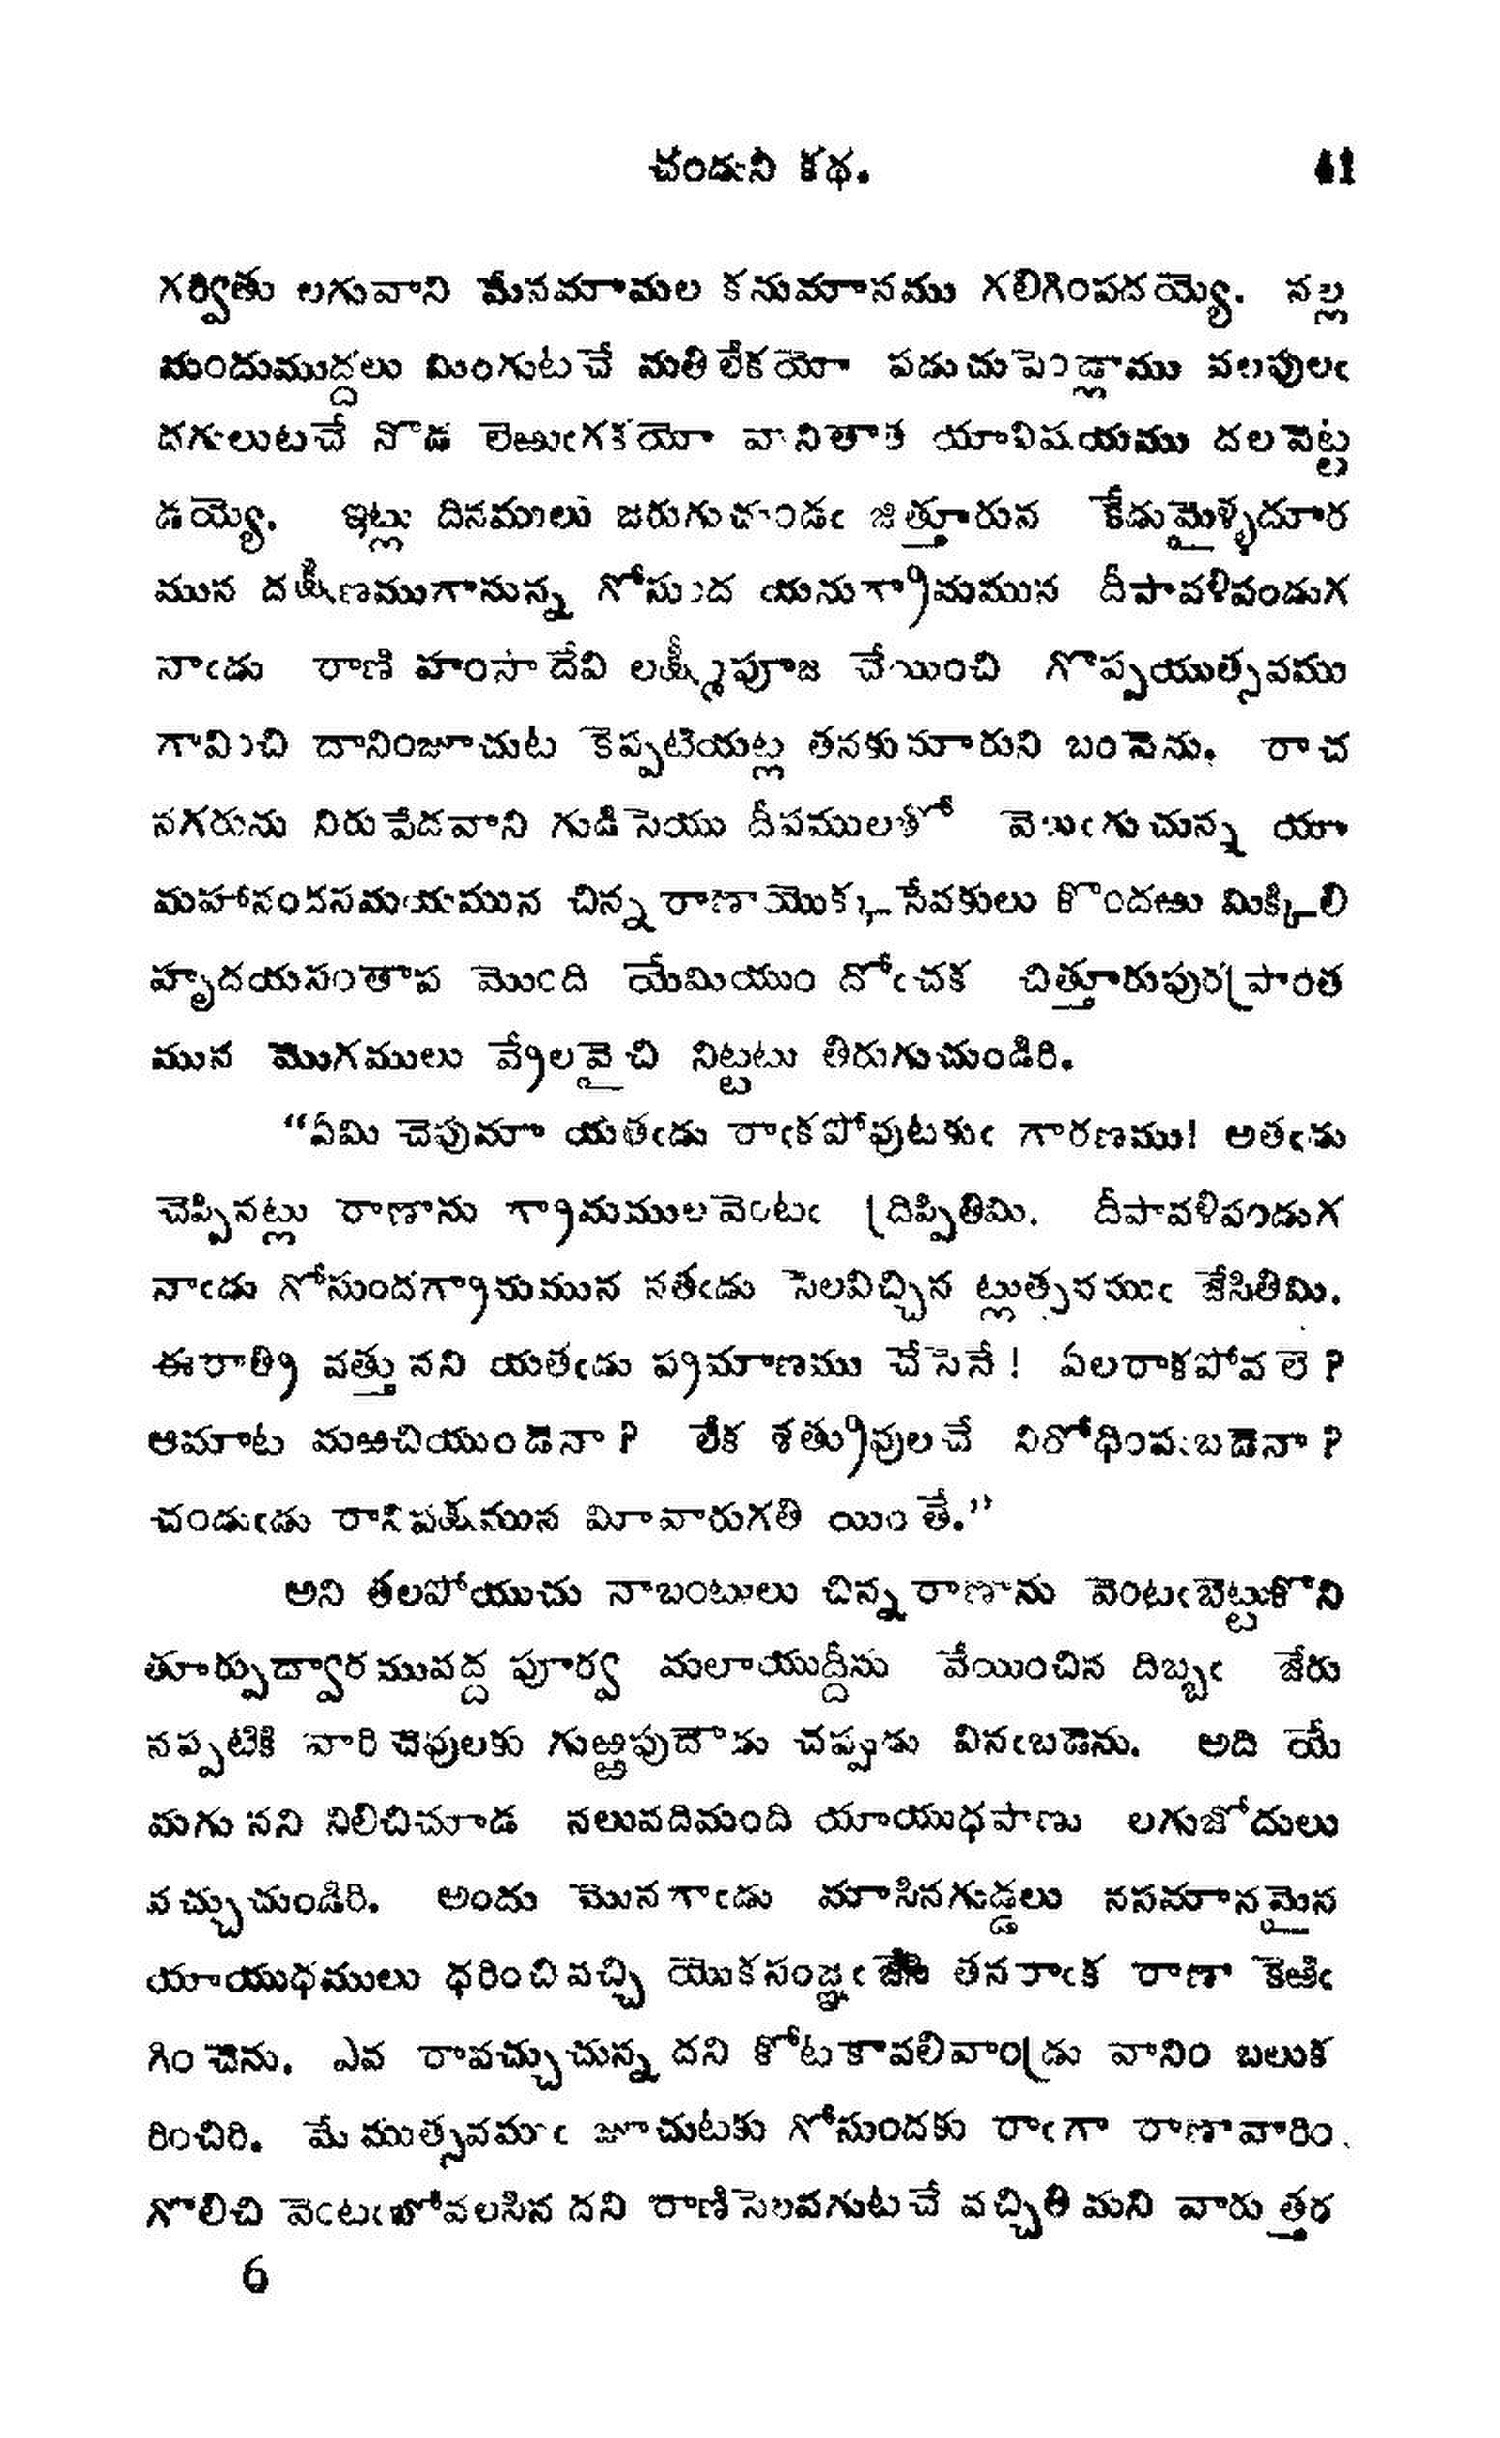గర్వితు లగువాని మేనమామల కనుమానము గలిగింపదయ్యె. నల్లమందు ముద్దలు మింగుటచే మతిలేకయో పడుచుపెండ్లాము వలపులఁ దగులుటచే నొడ లెఱుఁగకయో వానితాత యావిషయము దలపెట్టడయ్యె. ఇట్లు దినములు జరుగుచుండఁ జిత్తూరున కేడుమైళ్ళ దూరమున దక్షిణముగానున్న గోసుంద యను గ్రామమున దీపావళివండుగ నాఁడు రాణి హంసాదేవి లక్ష్మీ పూజ చేయించి గొప్పయుత్సవము గావించి దానింజూచుట కెప్పటియట్ల తనకుమారుని బంపెను. రాచనగరును నిరుపేదవాని గుడిసెయు దీపములతో వెలుఁగుచున్న యామహానందసమయమున చిన్న రాణా యొక్క సేవకులు కొందఱు మిక్కిలి హృదయసంతాప మొంది యేమియుం దోఁచక చిత్తూరుపుర ప్రాంతమున మొగములు వ్రేలవైచి నిట్టటు తిరుగుచుండిరి.

“ఏమి చెపుమా యతఁడు రాఁకపోవుటకుఁ గారణము! అతఁడు చెప్పినట్లు రాణాను గ్రామముల వెంటఁ ద్రిప్పితిమి. దీపావళి పండుగ నాఁడు గోసుందగ్రామమున నతఁడు సెలవిచ్చిన ట్లుత్సవముఁ జేసితిమి.
ఈరాత్రి వత్తు నని యతఁడు ప్రమాణము చేసెనే ! ఏలరాకపోవలె? ఆమాట మఱచియుండినా? లేక శత్రువులచే నిరోధింప బడెనా? చండుఁడు రానిపక్షమున మీవారుగతి యింతే.”

అని తలపోయుచు నాబంటులు చిన్న రాణాను వెంటఁబెట్టుకొని తూర్పు ద్వారమువద్ద పూర్వ మలాయుద్దీను వేయించిన దిబ్బఁ జేరునప్పటికీ వారి చెవులకు గుఱ్ఱపుదౌడు చప్పుడు వినఁబడెను. అది యే మగునని నిలిచి చూడ నలువదిమంది యాయుధపాణు లగుజోదులు వచ్చుచుండిరి. అందు మొనగాఁడు మాసినగుడ్డలు నసమానమైన యాయుధములు ధరించి వచ్చి యొక సంజ్ఞఁ జేసి తనరాఁక రాణా కేఱిఁగించెను. ఎవ రావచ్చుచున్న దని కోట కావలివాండ్రు వానిం బలుకరించిరి. మే ముత్సవముఁ జూచుటకు గోసుందకు రాఁగా రాణావారిం, గొలిచి వెఁటఁబోవలసిన దని రాణి సెలవగుటచే వచ్చితిమని వారుత్తర